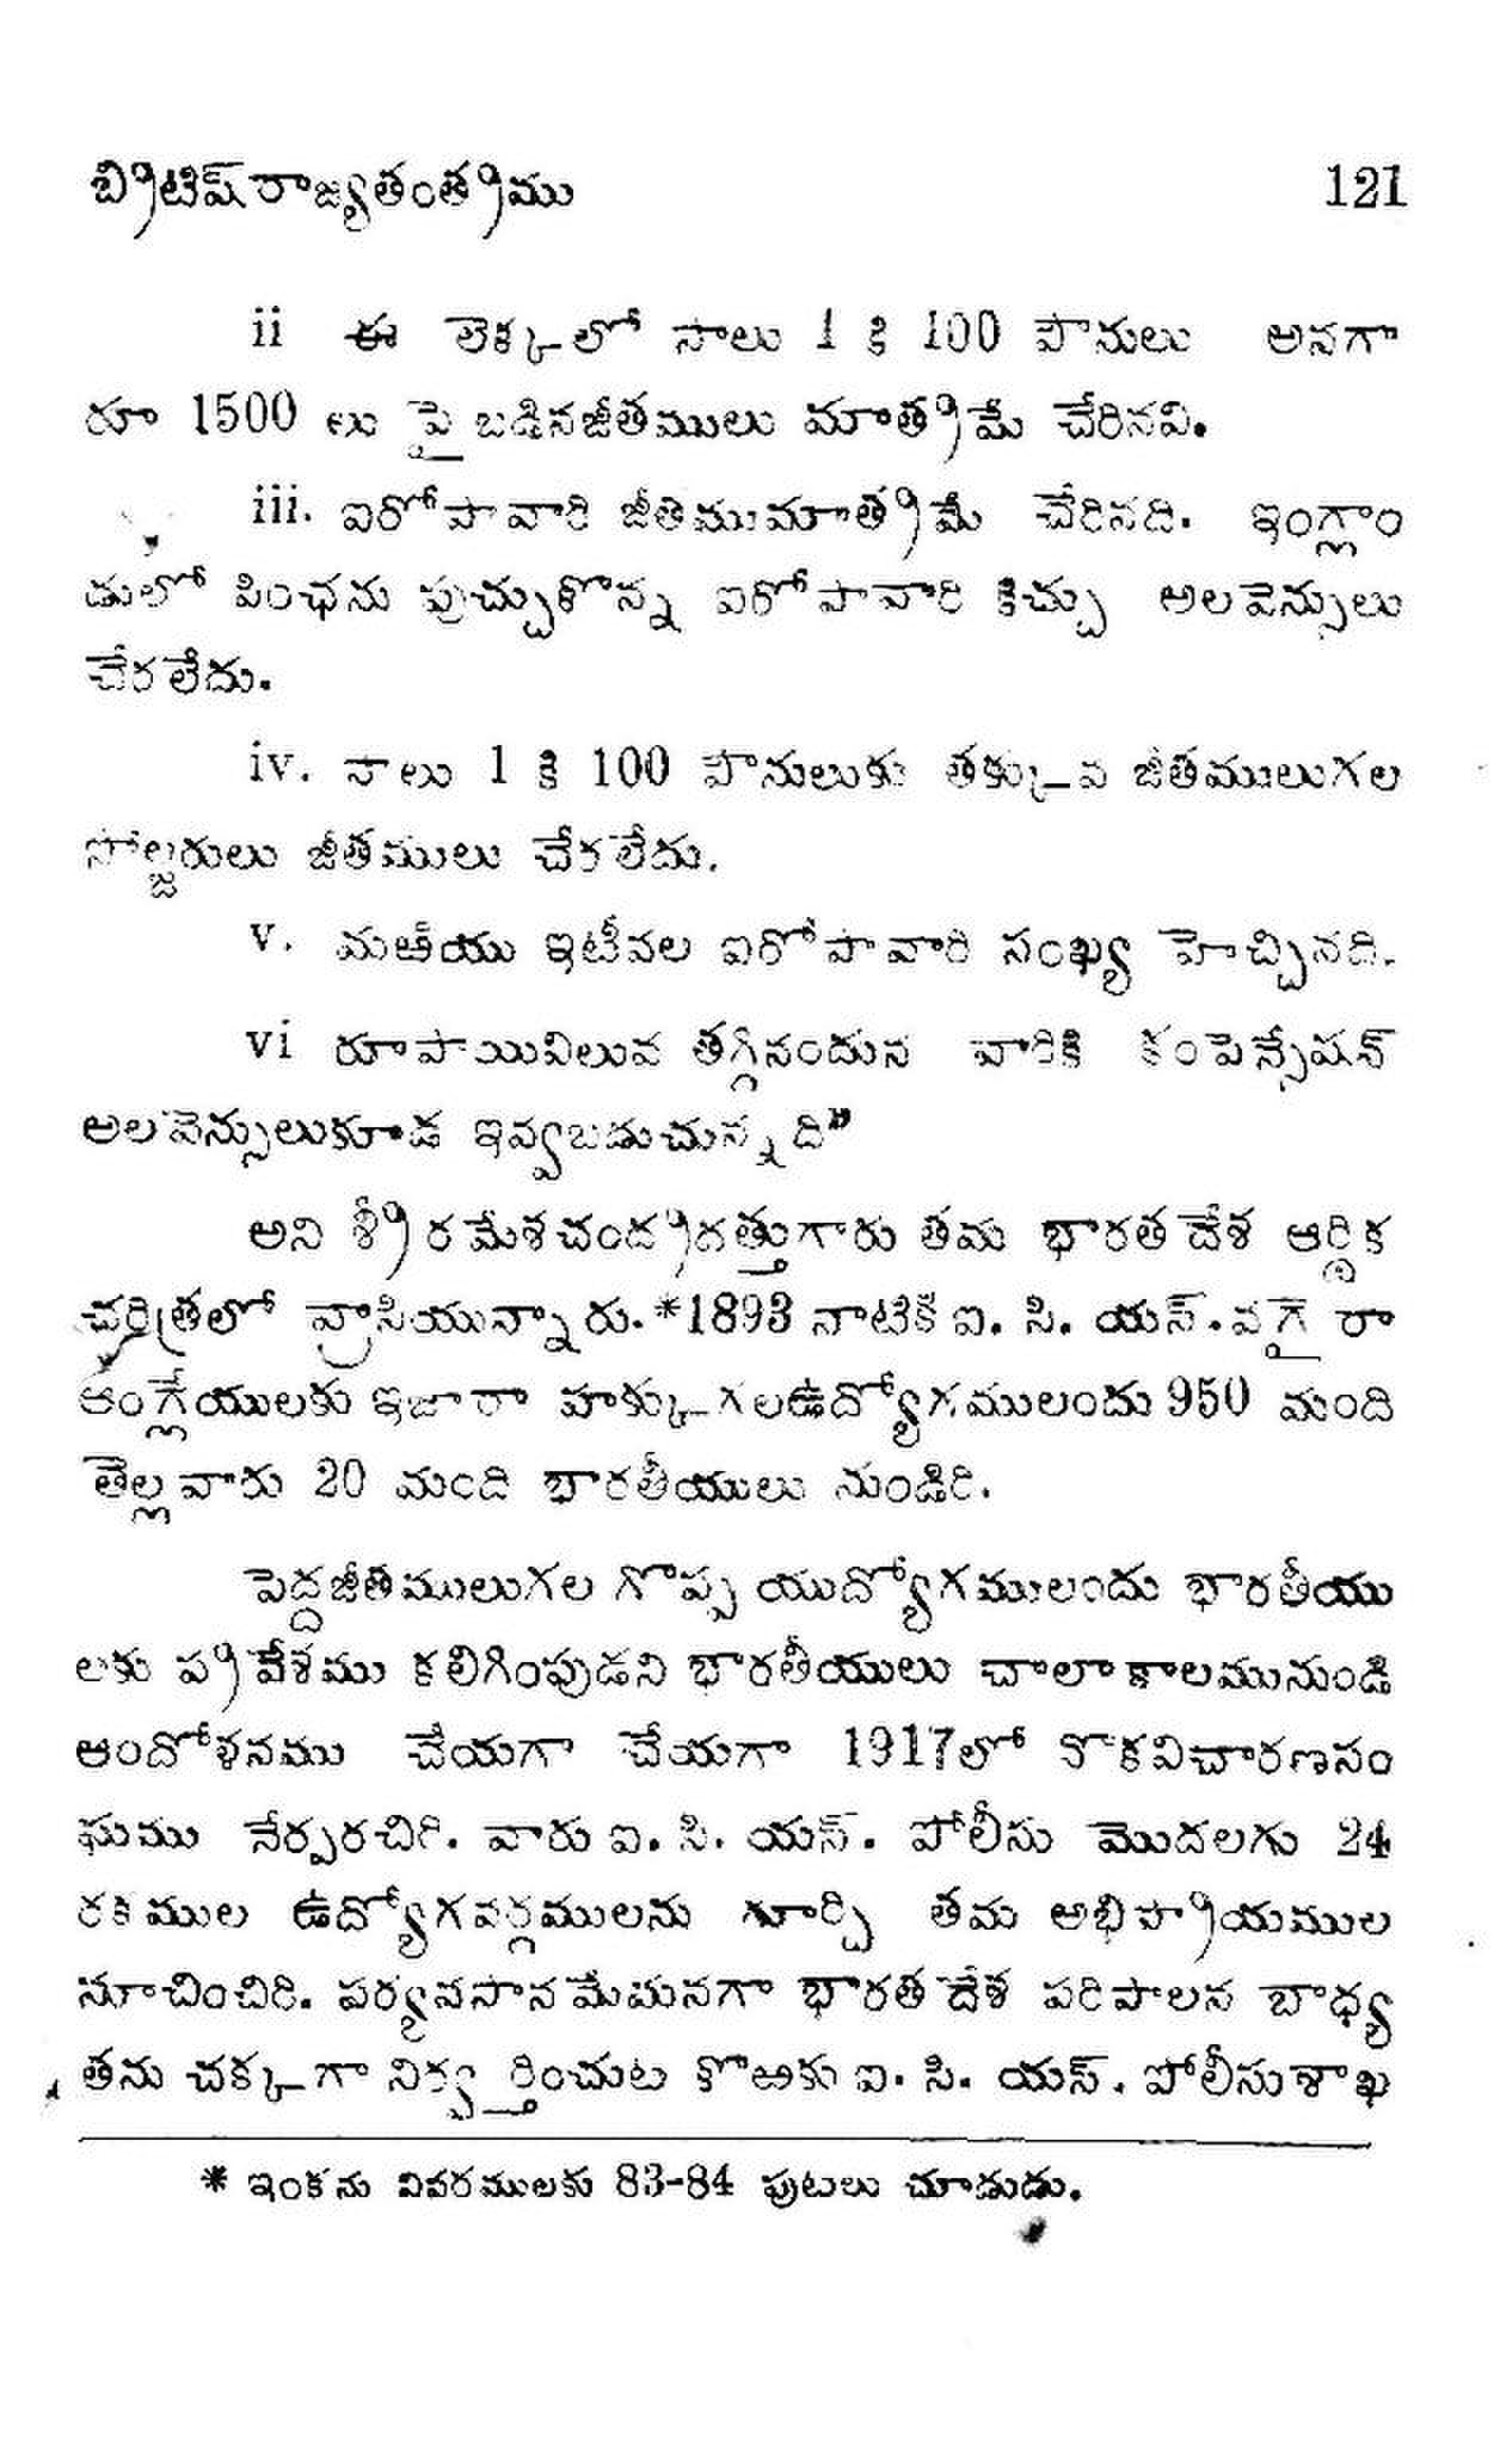ii ఈ లెక్కలో సాలు !కి 100 పౌనులు అనగా రూ 1500 లు పై బడినజీతములు మాత్రమే చేరినవి.

iii. ఐరోపావారి జీతముమాత్రమే చేరినది. ఇంగ్లాండులో పింఛను పుచ్చుకొన్న ఐరోపావారి కిచ్చు అలవెన్సులు చేరలేదు.

iv. సాలు 1 కి 100 పౌనులుకు తక్కువ జీతములుగల సోల్జరులు జీతములు చేరలేదు.

v. మఱియు ఇటీవల ఐరోపావారి సంఖ్య హెచ్చినది.

vi రూపాయివిలువ తగ్గినందున వారికి కంపెన్సేషన్ అలవెన్సులుకూడ ఇవ్వబడుచున్నది.

అని శ్రీరమేశచంద్రదత్తుగారు తమ భారతదేశ ఆర్థిక చరిత్రలో వ్రాసియున్నారు. 1893 నాటికి ఐ. సి. యస్. వగైరా ఆంగ్లేయులకు ఇజారా హక్కుగలఉద్యోగములందు 950 మంది తెల్లవారు 20 మంది భారతీయులు నుండిరి.

పెద్దజీతములుగల గొప్ప యుద్యోగములందు భారతీయులకు ప్రవేశము కలిగింపుడని భారతీయులు చాలా కాలమునుండి ఆందోళనము చేయగా చేయగా 1917లో నొకవిచారణసంఘము నేర్పరచిరి. వారు ఐ. సి. యస్. పోలీసు మొదలగు 24 రకముల ఉద్యోగవర్గములను గూర్చి తమ అభిప్రాయముల సూచించిరి. పర్యవసానమేమనగా భారతదేశ పరిపాలన బాధ్యతను చక్కగా నిర్వర్తించుట కొఱకు ఐ . సి. యస్ . పోలీసుశాఖ